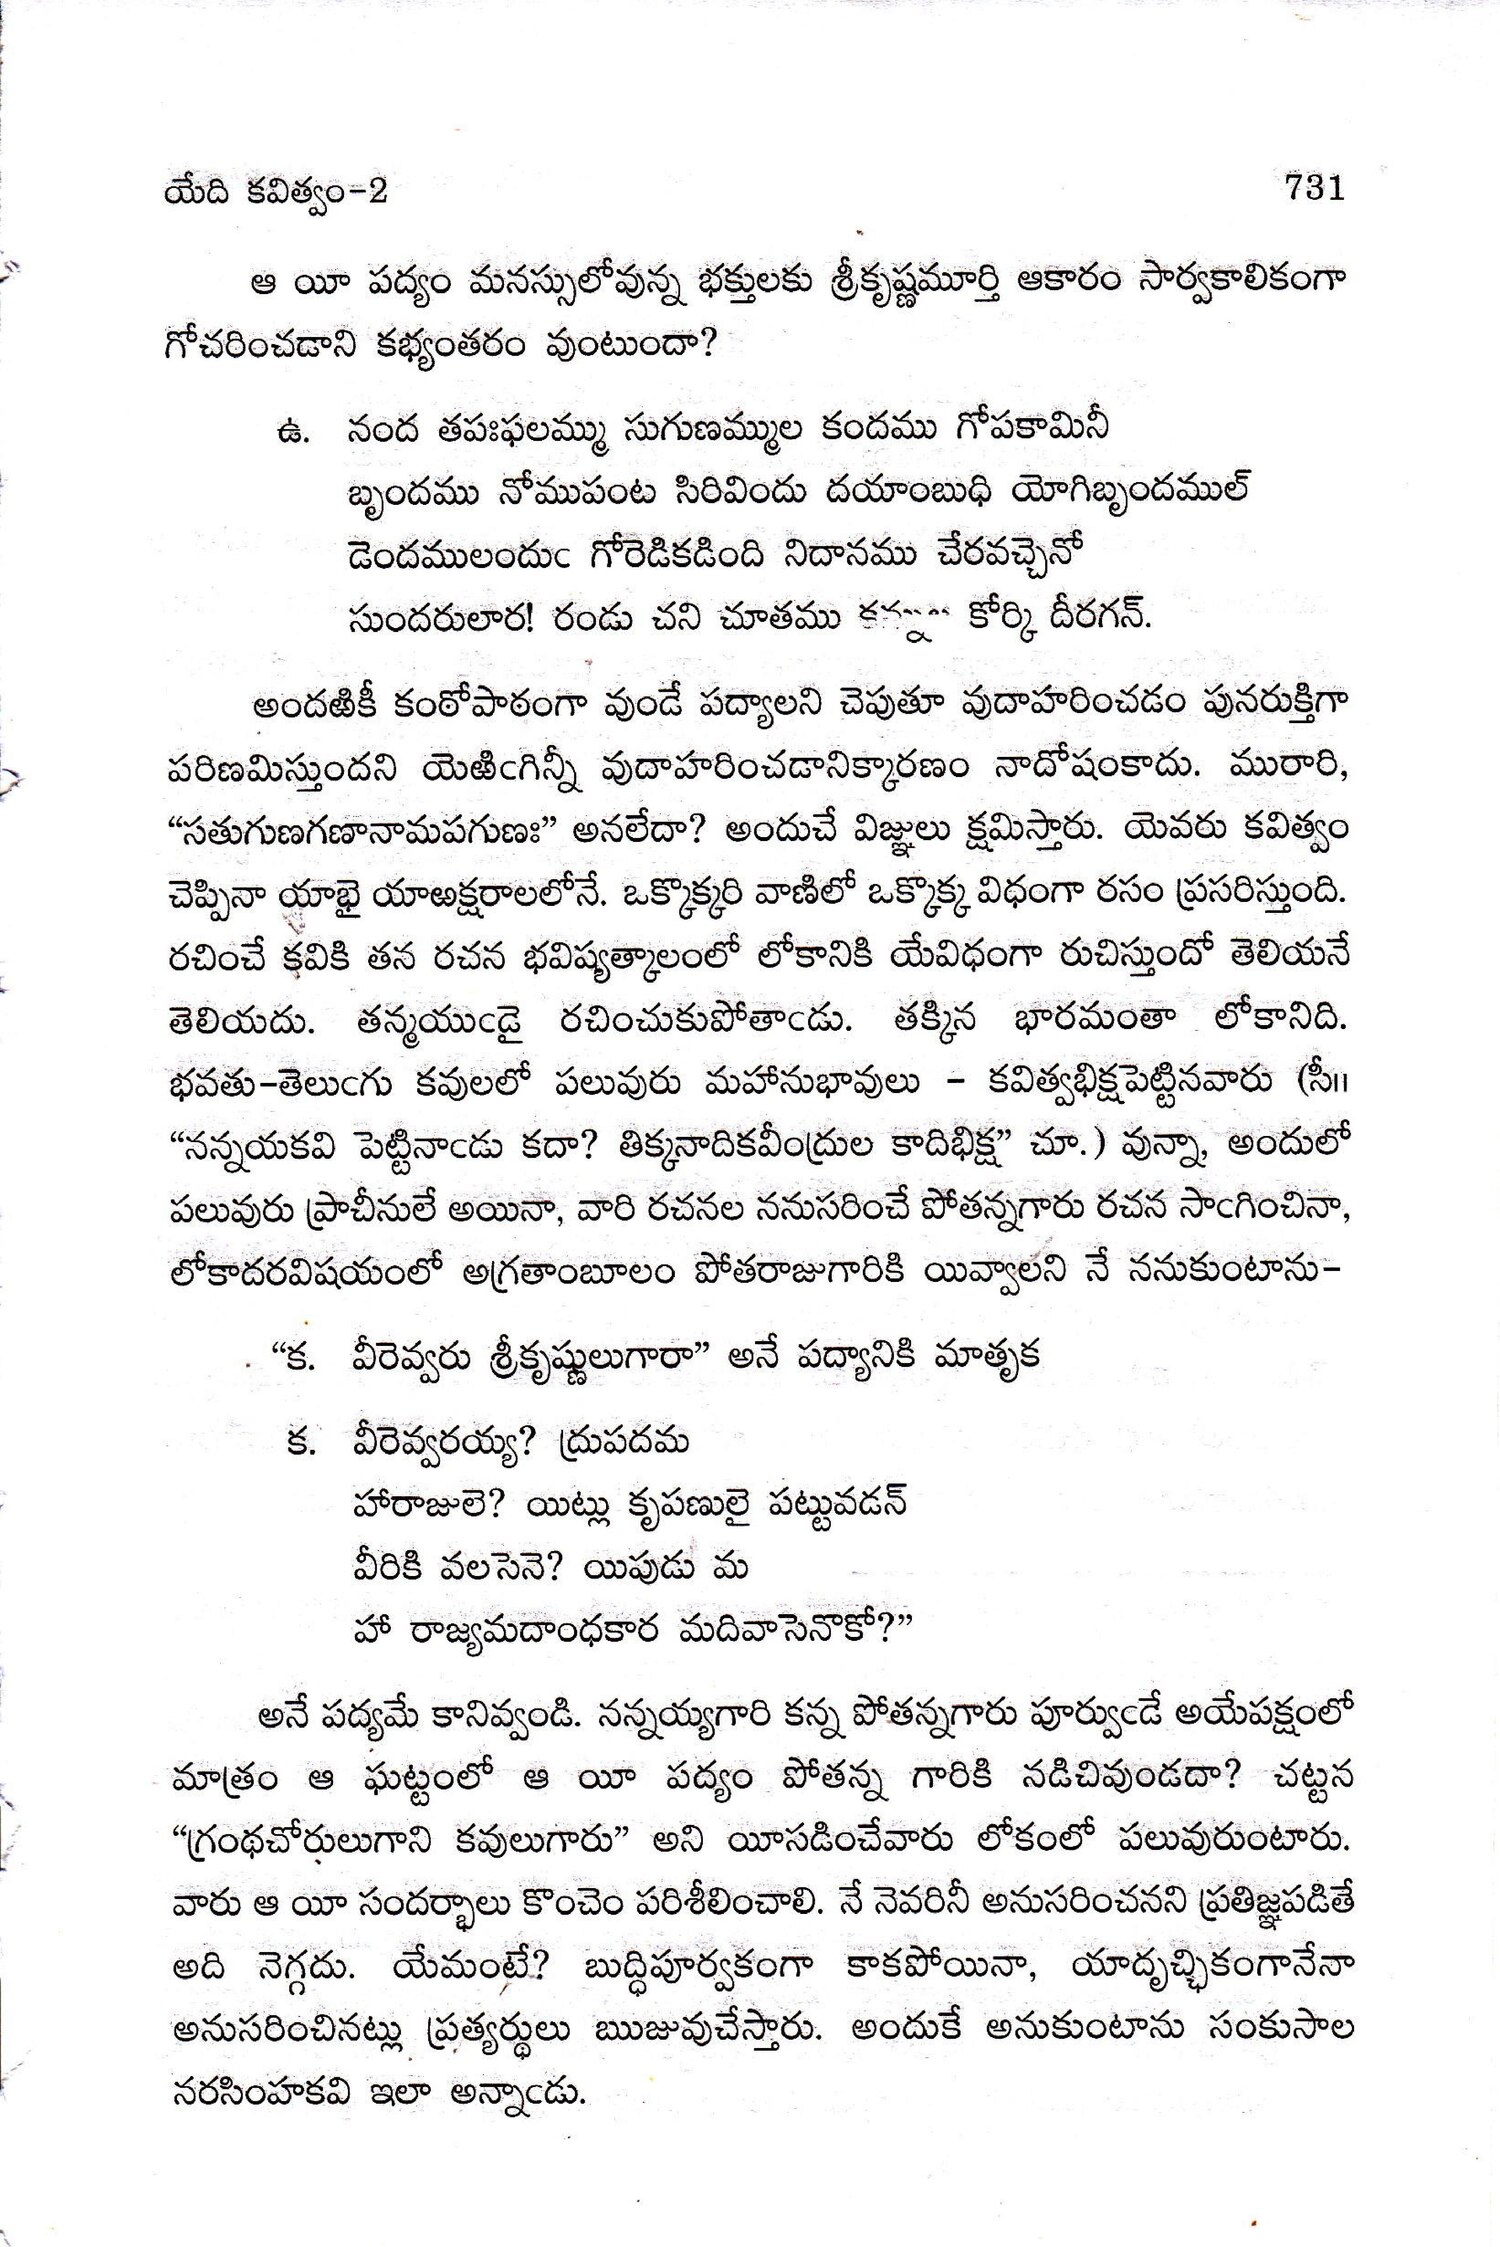ఆ యీ పద్యం మనస్సులోవున్న భక్తులకు శ్రీకృష్ణమూర్తి ఆకారం సార్వకాలికంగా గోచరించడాని కభ్యంతరం వుంటుందా? 

ఉ. నంద తపఃఫలమ్ము సుగుణమ్ముల కందము గోపకామినీ
 బృందము నోముపంట సిరివిందు దయాంబుధి యోగిబృందముల్ 
 డెందములందుఁ గోరెడికడింది నిదానము చేరవచ్చెనో 
 సుందరులార! రండు చని చూతము కన్నుల కోర్కి దీరగన్.
అందఱికీ కంఠోపాఠంగా వుండే పద్యాలని చెపుతూ వుదాహరించడం పునరుక్తిగా పరిణమిస్తుందని యెఱిఁగిన్నీ వుదాహరించడానిక్కారణం నాదోషంకాదు. మురారి, “సతుగుణగణానామపగుణః" అనలేదా? అందుచే విజ్ఞులు క్షమిస్తారు. యెవరు కవిత్వం చెప్పినా యాభై యాఱక్షరాలలోనే. ఒక్కొక్కరి వాణిలో ఒక్కొక్క విధంగా రసం ప్రసరిస్తుంది. రచించే కవికి తన రచన భవిష్యత్కాలంలో లోకానికి యేవిధంగా రుచిస్తుందో తెలియనే తెలియదు. తన్మయుఁడై రచించుకుపోతాఁడు. తక్కిన భారమంతా లోకానిది. భవతు-తెలుఁగు కవులలో పలువురు మహానుభావులు - కవిత్వభిక్షపెట్టినవారు (సీ|| “నన్నయకవి పెట్టినాఁడు కదా? తిక్కనాదికవీంద్రుల కాదిభిక్ష" చూ.) వున్నా అందులో పలువురు ప్రాచీనులే అయినా, వారి రచనల ననుసరించే పోతన్నగారు రచన సాఁగించినా, లోకాదరవిషయంలో అగ్రతాంబూలం పోతరాజుగారికి యివ్వాలని నే ననుకుంటాను-

"క. వీరెవ్వరు శ్రీకృష్ణులుగారా" అనే పద్యానికి మాతృక

క. వీరెవ్వరయ్య? ద్రుపదమ
 హారాజులె? యిట్లు కృపణులై పట్టువడన్ 
 వీరికి వలసెనె? యిపుడు మ 
 హా రాజ్యమదాంధకార మదివాసెనొకో?"
అనే పద్యమే కానివ్వండి. నన్నయ్యగారి కన్న పోతన్నగారు పూర్వుఁడే అయేపక్షంలో మాత్రం ఆ ఘట్టంలో ఆ యీ పద్యం పోతన్న గారికి నడిచివుండదా? చట్టన “గ్రంథచోరులుగాని కవులుగారు” అని యీసడించేవారు లోకంలో పలువురుంటారు. వారు ఆ యీ సందర్భాలు కొంచెం పరిశీలించాలి. నే నెవరినీ అనుసరించనని ప్రతిజ్ఞపడితే అది నెగ్గదు. యేమంటే? బుద్ధిపూర్వకంగా కాకపోయినా, యాదృచ్ఛికంగానేనా అనుసరించినట్లు ప్రత్యర్థులు ఋజువుచేస్తారు. అందుకే అనుకుంటాను సంకుసాల నరసింహకవి ఇలా అన్నాఁడు.